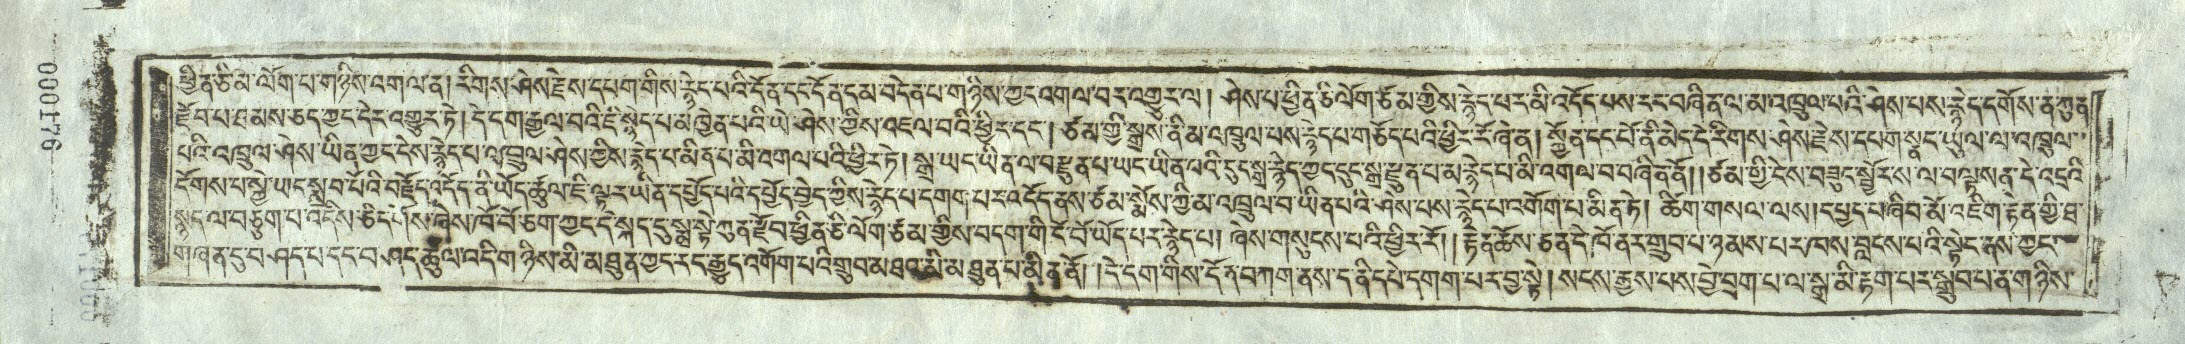ཕྱིན་ཅི་མ་ལོག་པ་གཉིས་འགལ་ན། རིགས་ཤེས་རྗེས་དཔག་གིས་རྙེད་པའི་དོན་དང་དོན་དམ་བདེན་པ་གཉིས་ཀྱང་འགལ་བར་འགྱུར་ལ། ཤེས་པ་ཕྱིན་ཅི་ལོག་ཙམ་གྱིས་རྙེད་པར་མི་འདོད་པས་རང་བཞིན་ལ་མ་འཁྲུལ་བའི་ཤེས་པས་རྙེད་དགོས་ན་ཀུན་
རྫོབ་པ་ཐམས་ཅད་ཀྱང་དེར་འགྱུར་ཏེ། དེ་དག་རྒྱལ་བའི་ཇི་སྙེད་པ་མཁྱེན་པའི་ཡེ་ཤེས་ཀྱིས་འཇལ་བའི་ཕྱིར་དང་། ཙམ་གྱི་སྒྲས་ནི་མ་འཁྲུལ་བས་རྙེད་པ་གཅོད་པའི་ཕྱིར་རོ་ཞེ་ན། སྐྱོན་དང་པོ་ནི་མེད་དེ་རིགས་ཤེས་རྗེས་དཔག་སྣང་ཡུལ་ལ་འཁྲུལ་
པའི་འཁྲུལ་ཤེས་ཡིན་ཀྱང་དེས་རྙེད་པ་འཁྲུལ་ཤེས་ཀྱིས་རྙེད་པ་མིན་པ་མི་འགལ་བའི་ཕྱིར་ཏེ། སྒྲ་ཡང་ཡིན་ལ་བརྫུན་པ་ཡང་ཡིན་པའི་དུང་སྒྲ་རྙེད་ཀྱང་དུང་སྒྲ་རྫུན་པ་མ་རྙེད་པ་མི་འགལ་བ་བཞིན་ནོ། །ཙམ་གྱི་ངེས་བཟུང་སྦྱོར་ས་ལ་བལྟས་ན་དེ་འདྲའི་
དོགས་པ་སྐྱེ་ཡང་སྨྲ་བ་པོའི་བརྗོད་འདོད་ནི་ཡོད་ཚུལ་ཇི་ལྟར་ཡིན་དཔྱོད་པའི་དཔྱོད་བྱེད་ཀྱིས་རྙེད་པ་དགག་པར་འདོད་ནས་ཙམ་སྨོས་ཀྱི་མ་འཁྲུལ་བ་ཡིན་པའི་ཤེས་པས་རྙེད་པ་འགོག་པ་མིན་ཏེ། ཚིག་གསལ་ལས། དཔྱད་པ་ཞིབ་མོ་འཇིག་རྟེན་གྱི་ཐ་
སྙད་ལ་བཅུག་པ་འདིས་ཅི་དགོས་ཞེས་ཁོ་བོ་ཅག་ཀྱང་དེ་སྐད་དུ་སྨྲ་སྟེ་ཀུན་རྫོབ་ཕྱིན་ཅི་ལོག་ཙམ་གྱིས་བདག་གི་ངོ་བོ་ཡོད་པར་རྙེད་པ། ཞེས་གསུངས་པའི་ཕྱིར་རོ། །རྟེན་ཆོས་ཅན་དེ་ཁོ་ནར་གྲུབ་པ་ཉམས་པར་ཁས་བླངས་པའི་སྟེང་ནས་ཀྱང་
གཞན་དུ་བཤད་པ་དང་བཤད་ཚུལ་འདི་གཉིས་མི་མཐུན་ཀྱང་རང་རྒྱུད་འགོག་པའི་གྲུབ་མཐའ་མི་མཐུན་པ་མིན་ནོ། །དེ་དག་གིས་དོན་བཀག་ནས་ད་ནི་དཔེ་དགག་པར་བྱ་སྟེ། སངས་རྒྱས་པས་བྱེ་བྲག་པ་ལ་སྒྲ་མི་རྟག་པར་སྒྲུབ་པ་ན་གཉིས་